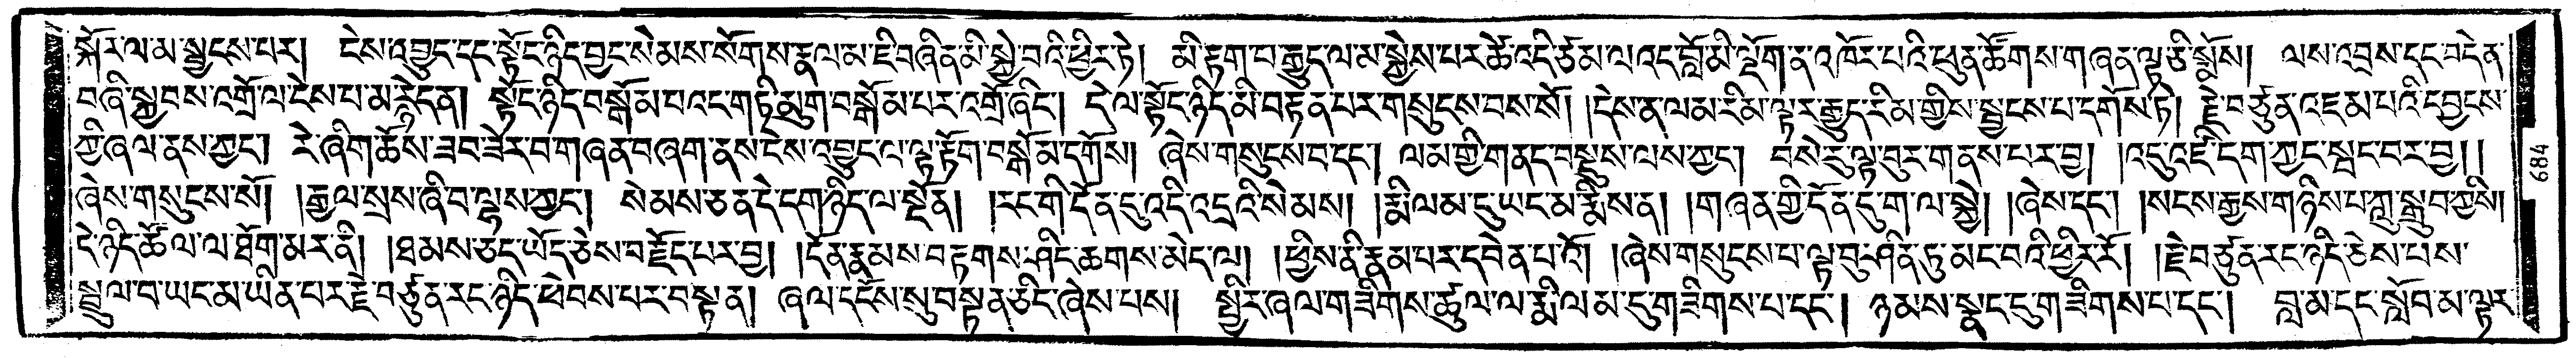སྐོར་ལ་མ་སྦྱངས་པར། ངེས་འབྱུང་དང་སྟོང་ཉིད་བྱང་སེམས་སོགས་རྣལ་མ་ཇི་བཞིན་མི་སྐྱེ་བའི་ཕྱིར་ཏེ། མི་རྟག་པ་རྒྱུད་ལ་མ་སྐྱེས་པར་ཚེ་འདི་ཙམ་ལའང་བློ་མི་ལྡོག་ན་འཁོར་པའི་ཕུན་ཚོགས་གཞན་ལྟ་ཅི་སྨོས། ལས་འབྲས་དང་བདེན་
བཞི་སྐྱབས་འགྲོ་ལ་ངེས་པ་མ་རྙེད་ན། སྟོང་ཉིད་བསྒོམ་པའང་གཏི་མུག་བསྒོམ་པར་འགྲོ་ཞིང་། དེ་ལ་སྟོང་ཉིད་མི་བརྟན་པར་གསུངས་བས་སོ། །དེས་ན་ལམ་རིམ་ལྟར་རྒྱུད་རིམ་གྱིས་སྦྱངས་པ་དགོས་ཏེ། རྗེ་བཙུན་འཇམ་པའི་དབྱངས་
ཀྱི་ཞལ་ནས་ཀྱང་། རེ་ཞིག་ཆོས་ཟབ་ཟེར་བ་གཞན་བཞག་ནས་ངེས་འབྱུང་ལ་ལྟ་རྟོག་བསྒོམ་དགོས། ཞེས་གསུངས་པ་དང་། ལམ་གྱི་གནད་བསྡུས་ལས་ཀྱང་། བསེ་རུ་ལྟ་བུར་གནས་པར་བྱ། །འདུ་འཛི་དག་ཀྱང་སྤང་བར་བྱ། །
ཞེས་གསུངས་སོ། །རྒྱལ་སྲས་ཞི་བ་ལྷས་ཀྱང་། སེམས་ཅན་དེ་དག་ཉིད་ལ་སྔོན། །རང་གི་དོན་དུ་འདི་འདྲའི་སེམས། །རྨི་ལམ་དུ་ཡང་མ་རྨིས་ན། །གཞན་གྱི་དོན་དུ་ག་ལ་སྐྱེ། །ཞེས་དང་། །སངས་རྒྱས་གཉིས་པ་ཀླུ་སྒྲུབ་ཀྱིས།
དེ་ཉིད་ཚོལ་ལ་ཐོག་མར་ནི། །ཐམས་ཅད་ཡོད་ཅེས་བརྗོད་པར་བྱ། །དོན་རྣམས་བརྟགས་ཤིང་ཆགས་མེད་ལ། །ཕྱིས་ནི་རྣམ་པར་དབེན་པ་འོ། །ཞེས་གསུངས་པ་ལྟ་བུ་ཤིན་ཏུ་མང་བའི་ཕྱིར་རོ། །རྗེ་བཙུན་རང་ཉིད་ཅེས་པས་
སྤྲུལ་བ་ཡང་མ་ཡིན་པར་རྗེ་བཙུན་རང་ཉིད་ཕེབས་པར་བསྟན། ཞལ་དངོས་སུ་བསྟན་ཅིང་ཞེས་པས། སྤྱིར་ཞལ་གཟིགས་ཚུལ་ལ་རྨི་ལམ་དུ་གཟིགས་པ་དང་། ཉམས་སྣང་དུ་གཟིགས་པ་དང་། བླ་མ་དང་སློབ་མ་ལྟར་